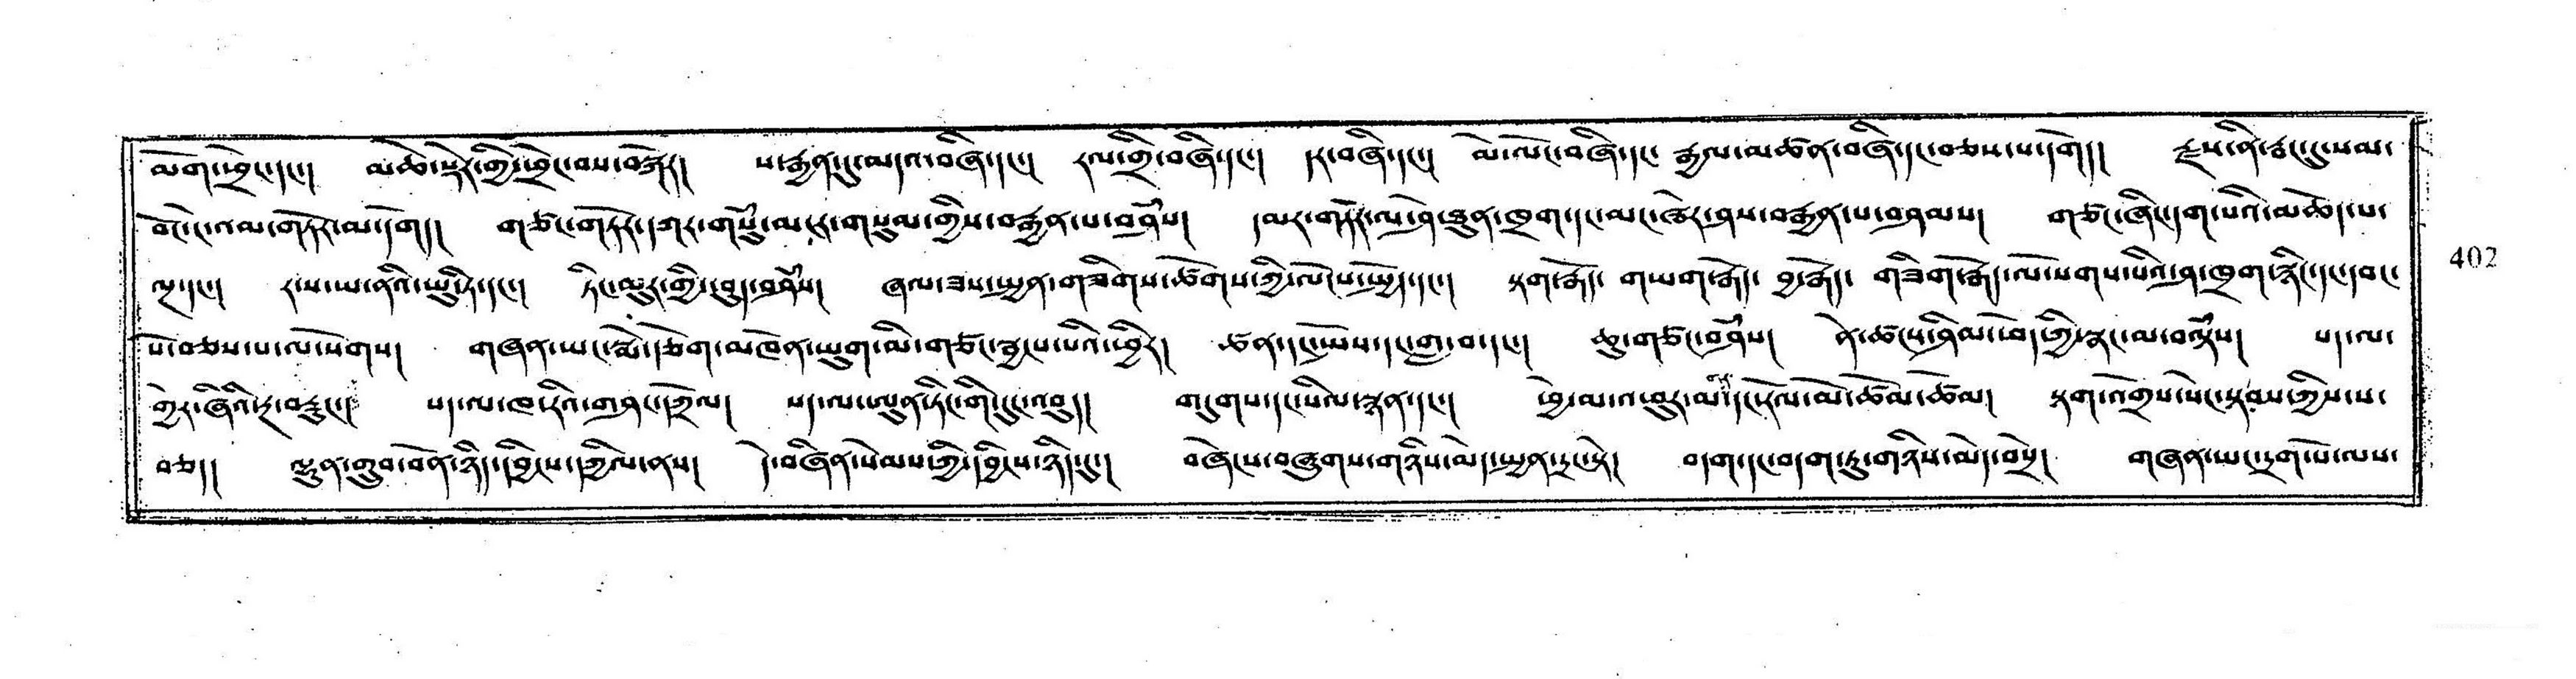མགོ་ཕྲེང་དང་། མཆེ་སྡེར་གྱི་ཕྲེང་བས་བསྐོར། ས་རྒྱན་དུ་མདའ་བཞི་དང་། རལ་གྲི་བཞི་དང་། དར་བཞི་དང་། མེ་ལོང་བཞི་དང་། རྒྱལ་མཚན་བཞི་དང་བཅས་པ་དགོད། རྫས་ནི་རྦང་དུ་སམ་
བོང་ངེའམ་གཏོར་མ་དགོད། གཙང་གཏོར་དཀར་གསུམ་མངར་གསུམ་ཕྲུམ་གྱིས་བརྒྱན་པ་བཤམས། དམར་གཏོར་ལ་ཤེ་ཐུན་ཁྲག་དང་མང་ཝེར་ཤས་བརྒྱན་པ་བཤམས། གཙང་ཞིང་དག་པའི་མཆོད་པ་
ལྔ་དང་། ར་ས་ཡ་ནའི་ཡུ་ཏིའི་དང་། ཏིང་མུར་གྱི་ཕུད་བཤམས། ཞལ་ཟས་སྤྱན་གཟིགས་ཚོགས་ཀྱི་ལོངས་སྤྱོད་དང་། སྟག་རྒོད་གཡག་རྒོད་བྱ་རྒོད་གཟིག་རྒོད་ལ་སོགས་པའི་ཤ་ཁྲག་སྙིང་དང་དབང་
པོ་བཅས་པ་ལ་སོགས། གཞན་ཡང་སྨེ་རྩོག་{412}མཁོན་ཡུག་མི་གཙང་སྦྱངས་པའི་ཕྱིར། ཚན་དང་སྤོས་དང་གླ་བ་དང་། ཆུ་གཙང་བཤམས། ནེ་ཚངས་ཤིམ་ཕོད་ཀྱི་སྣང་མ་བལྟམས། སད་ལ་
གྱེར་ཞིའི་རྔ་བརྡུང་། སད་ལ་ཁ་རའི་གཤང་དཀྲོལ། སད་ལ་ཨུན་ཏིང་གི་དུང་འབུད། གདུགས་དང་སིལ་བསྙན་དང་། ཕྱེ་མ་འཕུར་མ་གར་དང་རོལ་མོ་ཚོམ་ཚོམ། སྟག་འགྲོས་སེང་སྟབས་ཀྱིས་ས་
བཅད། ལྷུན་གྲུབ་བོན་ཉིད་དབྱིངས་དཀྱིལ་ནས།། དེ་བཞིན་སེམས་ཀྱི་དབྱིངས་ཉིད་དུ། བཞེངས་བཞུགས་གཉིས་མེད་སྤྱན་དྲང་སྟེ། བདག་དང་བདག་ཏུ་གཉིས་མེད་བསྲེ། གཞན་ཡང་དྲག་པོ་ལས་